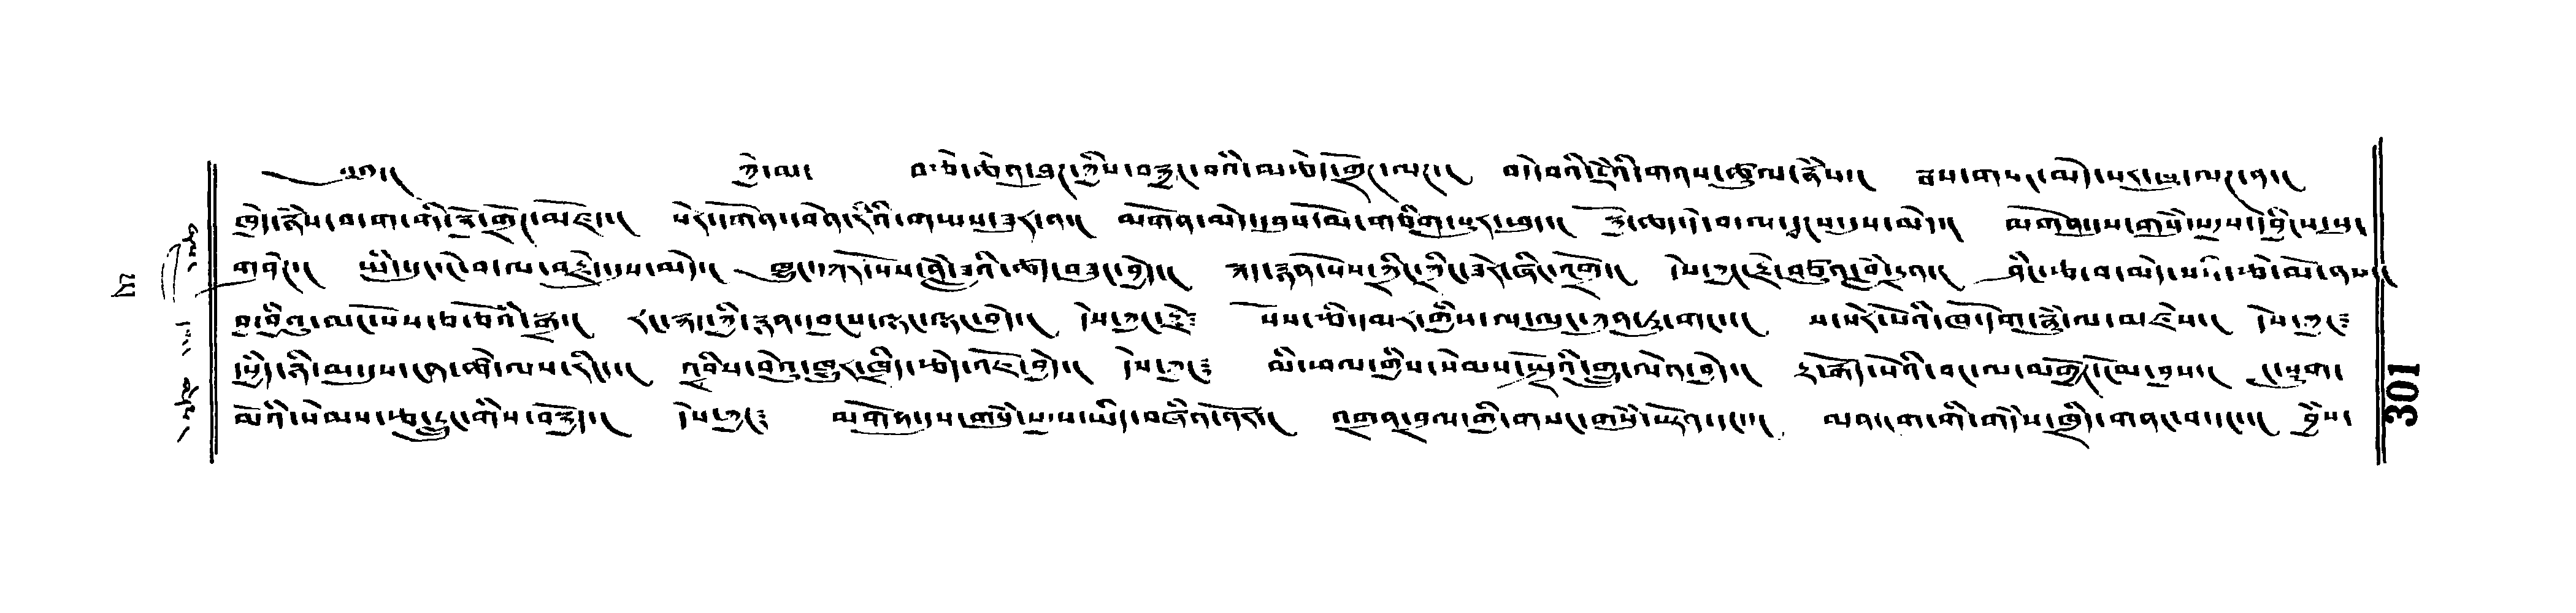ཀྱཻ་མ། བརྩེ་ཆེན་ཐུགས་ཀྱིས་བསྐྱངས་བའི་མཆེད་གྲོགས་ལགས། །བདེ་བའི་རྡོ་རྗེའི་གནས་ཚུལ་རྣམས། །སྦས་གསང་མེད་པར་ཞུ་ལགས་ན། 
ཁྱེད་རྣམས་བདག་གི་སྐྱེ་གྲོགས་མཛོད། །སེར་དགོན་དབེན་རིའི་གཡས་ཟུར་ན། །མགོན་མེད་དབུས་མོ་གཅིག་པུར་ཕུད། །སྐྱོ་ཆད་དེ་བ་ལ་དྭངས་དུས་མེད། །མགོན་དུས་གསུམ་སངས་རྒྱས་དབྱིངས་སུ་
གཤེགས། །ཡིད་དུང་ངེ་བ་ལ་བརྗེད་དུས་མེད། ཁྱུང་དཀར་པོས་ནམ་ཟླའི་ཚད་བཟུང་བྱེད། །སྐད་སྙན་པོས་ཀྲིང་ཀྲིང་ཟེར་ཞིང་འགྲོ། །དེས་ཀྱང་རྗེ་བཙུན་བླ་མ་དྲན། །ཤིང་རྩ་བ་མེད་པའི་རྩེ་མོ་ནས། །
བྱ་བྱིའུ་མང་པོས་ཅ་ཅོའི་སྒྲ། །རང་སྐད་ཀྱི་སྙན་དབྱངས་ལྷང་ལྷང་བྱེད། །དེས་ཀྱང་རྗེ༴ སོས་རྩི་དམར་གྱིས་ལ་ལུང་ཀུན་ཏུ་གང་། །ས་སེར་པོའི་ཁ་དོག་སྣུམ་ལ་མཛེས། །དེས་ཀྱང༴ 
དཔྱིད་ཉི་མ་དུས་ངན་ཚེ་ལས་རིང་། །འབྲིས་བེའུ་ཁྱུར་ཁྲིད་རྩེ་འཇོ་བྱེད། །དེས་ཀྱང༴མི་ཕལ་གྱིས་སེམས་སྤྲོའི་གླུ་ལེན་བྱེད། །རྟ་རྒོད་པོའི་བང་ལ་མགྱོགས་ངོམ་བྱས། །ང་སྡུག་
མོའི་སེམས་རྩ་རླུང་གིས་བསྐྱོད། །དེས་ཀྱང༴ མགོན་དུས་གསུམ་སངས་རྒྱས་ཡིད་བཞིན་ནོར། །འགྲན་བྲལ་གྱི་གསང་གསུམ་ཡོན་ཏན་དང་། །མན་ངག་གི་གདམས་ཁྲིད་གནང་བ་དང་། །བྱམས་